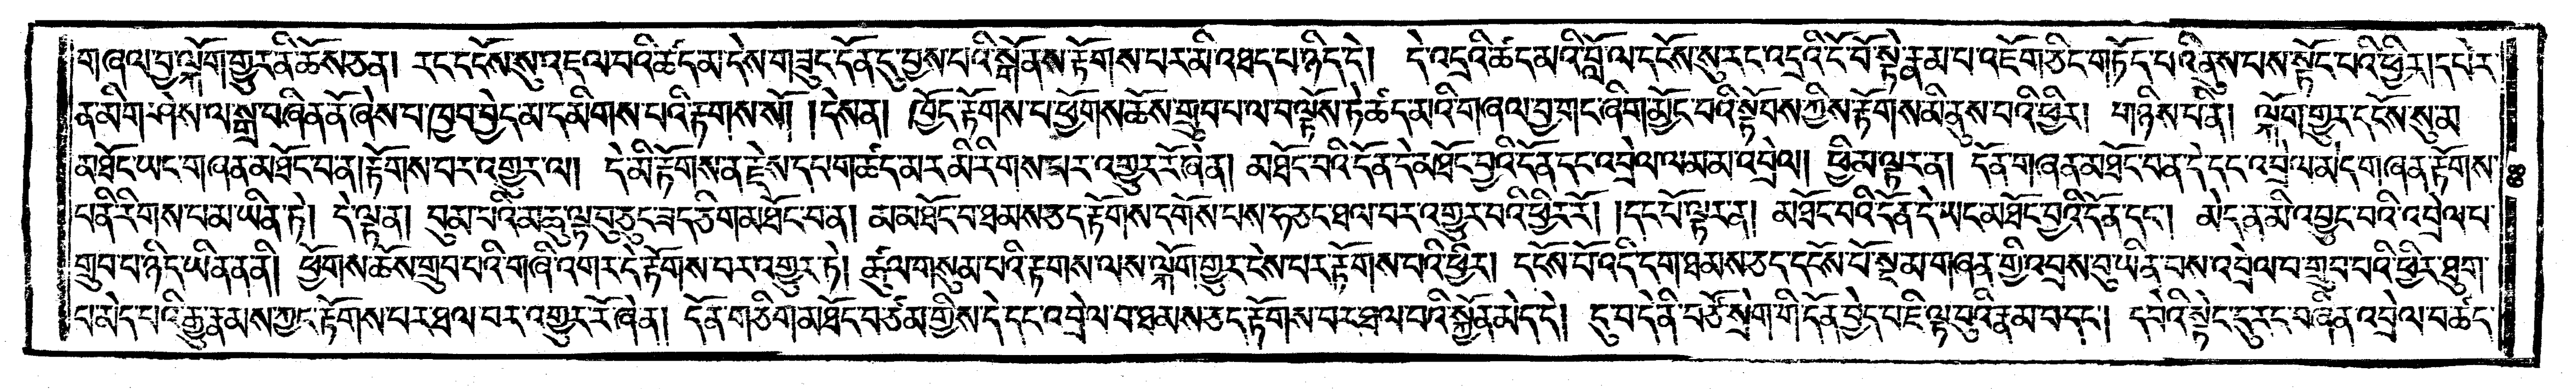གཞལ་བྱ་ལྐོག་གྱུར་ནི་ཆོས་ཅན། རང་དངོས་སུ་འཇལ་བའི་ཚད་མ་དེས་གཟུང་དོན་དུ་བྱས་པའི་སྒོ་ནས་རྟོགས་པར་མི་འཐད་པ་ཉིད་དེ། དེ་འདྲའི་ཚད་མའི་བློ་ལ་དངོས་སུ་རང་འདྲའི་ངོ་བོ་སྟེ་རྣམ་པ་འཇོག་ཅིང་གཏོད་པའི་ནུས་པས་སྟོང་པའི་ཕྱིར། དཔེར་
ན་མིག་ཤེས་ལ་སྒྲ་བཞིན་ནོ་ཞེས་པ་ཁྱབ་བྱེད་མ་དམིགས་པའི་རྟགས་སོ། །དེས་ན། ཁྱོད་རྟོགས་པ་ཕྱོགས་ཆོས་གྲུབ་པ་ལ་བལྟོས་ཏེ་ཚད་མའི་གཞལ་བྱ་གང་ཞིག་མྱོང་བའི་སྟོབས་ཀྱིས་རྟོགས་མི་ནུས་པའི་ཕྱིར། གཉིས་པ་ནི། ལྐོག་གྱུར་དངོས་སུ་མ་
མཐོང་ཡང་གཞན་མཐོང་བ་ན། རྟོགས་པར་འགྱུར་ལ། དེ་མི་རྟོགས་ན་རྗེས་དཔག་ཚད་མར་མི་རིགས་པར་འགྱུར་རོ་ཞེ་ན། མཐོང་བའི་དོན་དེ་མཐོང་བྱའི་དོན་དང་འབྲེལ་ལམ་མ་འབྲེལ། ཕྱི་མ་ལྟར་ན། དོན་གཞན་མཐོང་བ་ན་དེ་དང་འབྲེལ་མེད་གཞན་རྟོགས་
པ་ནི་རིགས་པ་མ་ཡིན་ཏེ། དེ་ལྟ་ན། བུམ་པའི་མཆུ་ལྟ་བུ་ཅུང་ཟད་ཅིག་མཐོང་བ་ན། མ་མཐོང་བ་ཐམས་ཅད་རྟོགས་དགོས་པས་ཧ་ཅང་ཐལ་བར་འགྱུར་བའི་ཕྱིར་རོ། །དང་པོ་ལྟར་ན། མཐོང་བའི་དོན་དེ་ཡང་མཐོང་བྱའི་དོན་དང་། མེད་ན་མི་འབྱུང་བའི་འབྲེལ་པ་
གྲུབ་པ་ཉིད་ཡིན་ན་ནི། ཕྱོགས་ཆོས་གྲུབ་པའི་གཞི་འགར་དེ་རྟོགས་པར་འགྱུར་ཏེ། ཚུལ་གསུམ་པའི་རྟགས་ལས་ལྐོག་གྱུར་ངེས་པར་རྟོགས་པའི་ཕྱིར། དངོས་པོ་འདི་དག་ཐམས་ཅད་དངོས་པོ་སྔ་མ་གཞན་གྱི་འབྲས་བུ་ཡིན་པས་འབྲེལ་བ་གྲུབ་པའི་ཕྱིར་ཐུག་
པ་མེད་པའི་རྒྱུ་རྣམས་ཀྱང་རྟོགས་པར་ཐལ་བར་འགྱུར་རོ་ཞེ་ན། དོན་གཅིག་མཐོང་བ་ཙམ་གྱིས་དེ་དང་འབྲེལ་བ་ཐམས་ཅད་རྟོགས་པར་ཐལ་བའི་སྐྱོན་མེད་དེ། དུ་བ་དེ་ནི་བཙོ་སྲེག་གི་དོན་བྱེད་པ་ཇི་ལྟ་བུའི་རྣམ་པ་དང་། དཔེའི་སྟེང་དུ་རང་བཞིན་འབྲེལ་བ་ཚད་